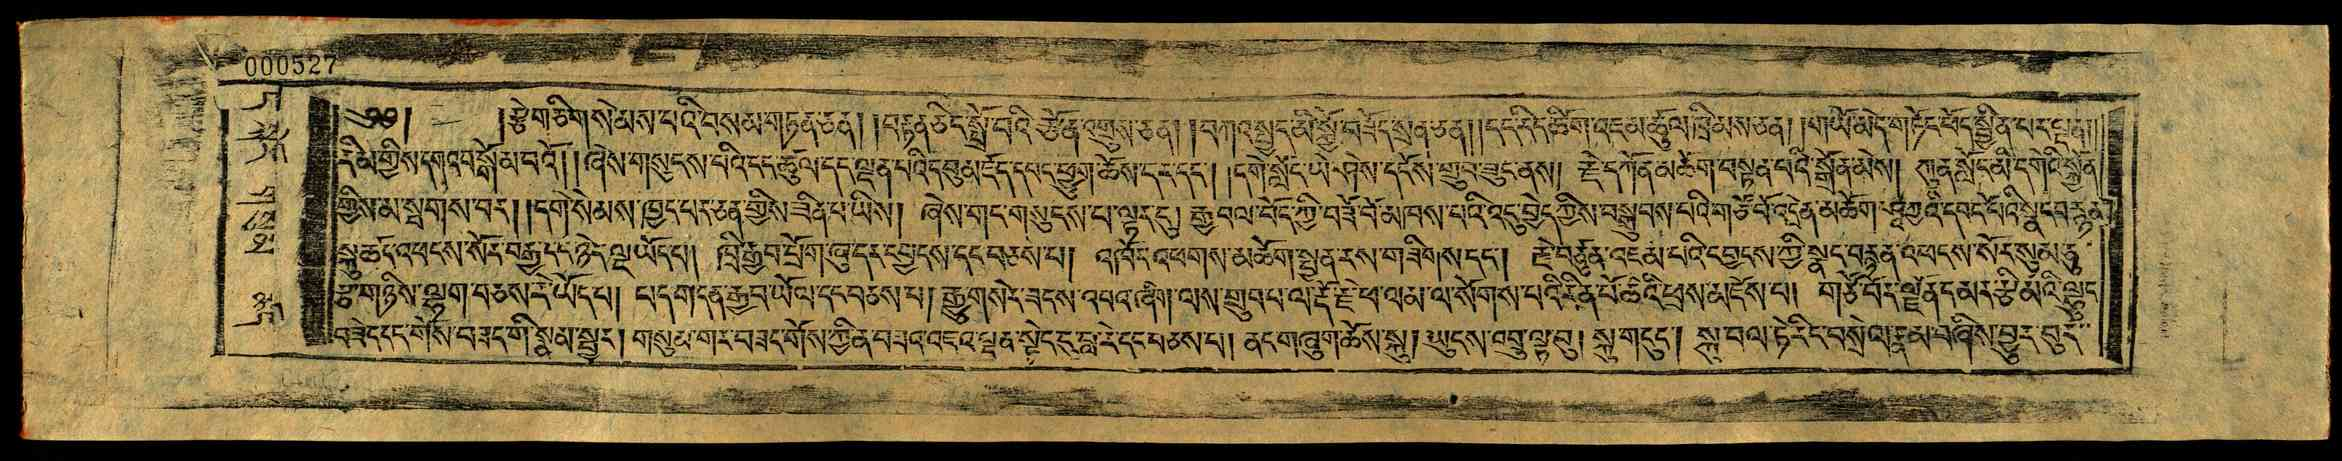༄༅། །རྩེ་གཅིག་སེམས་པའི་བསམ་གཏན་ཅན། །བརྟན་ཅིང་སྤྲོ་བའི་བརྩོན་འགྲུས་ཅན། །བཀའ་སྤྱད་མི་སྐྱོ་བཟོད་སྒྲན་ཅན། །ངང་རིང་ཚིག་འཇམ་ཚུལ་ཁྲིམས་ཅན། །གཡོ་མེད་གཏོང་ཕོད་སྦྱིན་པར་ལྡན།།
རིམ་གྱིས་དགའ་ཐ་སྒོམ་པའོ། །ཞེས་གསུངས་པའི་ངང་ཚུལ་དང་ལྡན་པའི་དབུ་མཛད་དབང་ཕྱུག་ཆོས་དར་དང་།དགེ་སློང་ཡེ་ཤེས་དངོས་སྒྲུབ་ཟུང་ནས། རྗེ་དཀོན་མཆོག་བསྟན་པའི་སྒྲོན་མེས། ཀུན་སློང་མི་དགེའི་སྐྱོན་
གྱིས་མ་སྤངས་པར། །དགེ་སེམས་ཁྱད་པར་ཅན་གྱིས་ཟིན་པ་ཡིས། ཞེས་གང་གསུངས་པ་ལྟར་དུ། རྒྱ་པ་ལ་བོད་ཀྱི་བཟོ་བོ་མཁས་པའི་འདུ་བྱེད་ཀྱིས་བསྒྲུབས་པའི་གཙོ་བོ་འདྲེས་མཆོག་ཤཱཀྱའི་དབང་པོའི་སྣང་བརྙན་
སྐུ་ཚང་འཕངས་སོར་བརྒྱ་དང་ཉེར་ལྔ་ཡོད་པ། ཁྲི་རྒྱ་བྲོག་ཞུ་དར་དཔྱངས་དང་བཅས་པ། འཁོར་འཕགས་མཆོག་སྤྱན་རས་གཟིགས་དང་། རྗེ་བཙུན་འཇམ་པའི་དབྱངས་ཀྱི་སྣང་བརྙན་འཕངས་སོར་སུམ་ཅུ་
རྩ་གཉིས་ལྷག་བཅས་རེ་ཡོད་པ། པད་གདན་རྒྱབ་ཡོལ་དང་བཅས་པ། རྒྱུ་གསེར་ཟངས་འབའ་ཞིག་ལས་གྲུབ་པ་ལ་རྡོ་རྗེ་ཕ་ལམ་ལ་སོགས་པའི་རིན་པོ་ཆེའི་ཕྲས་མཛེས་པ། གཙོ་བོར་ལྗོན་དམར་རྩི་མའི་ལྷུང་
བཟེད་དང་གོས་བཟང་གི་སྣམ་སྦྱར། གསུམ་གར་བཟང་གོས་ཀྱི་ན་བཟའ་འཇའ་ལྡན་སྟེང་དུ་བླ་རེ་དང་བཅས་པ། ནང་གཞུག་ཆོས་སྐུ། ཡུངས་འབྲུ་ལྟ་བུ། སྐུ་གདུང་། སྐུ་བལ་ཏེ་རིང་བསྲེལ་རྣམ་བཞིས་བྱུར་བུས་